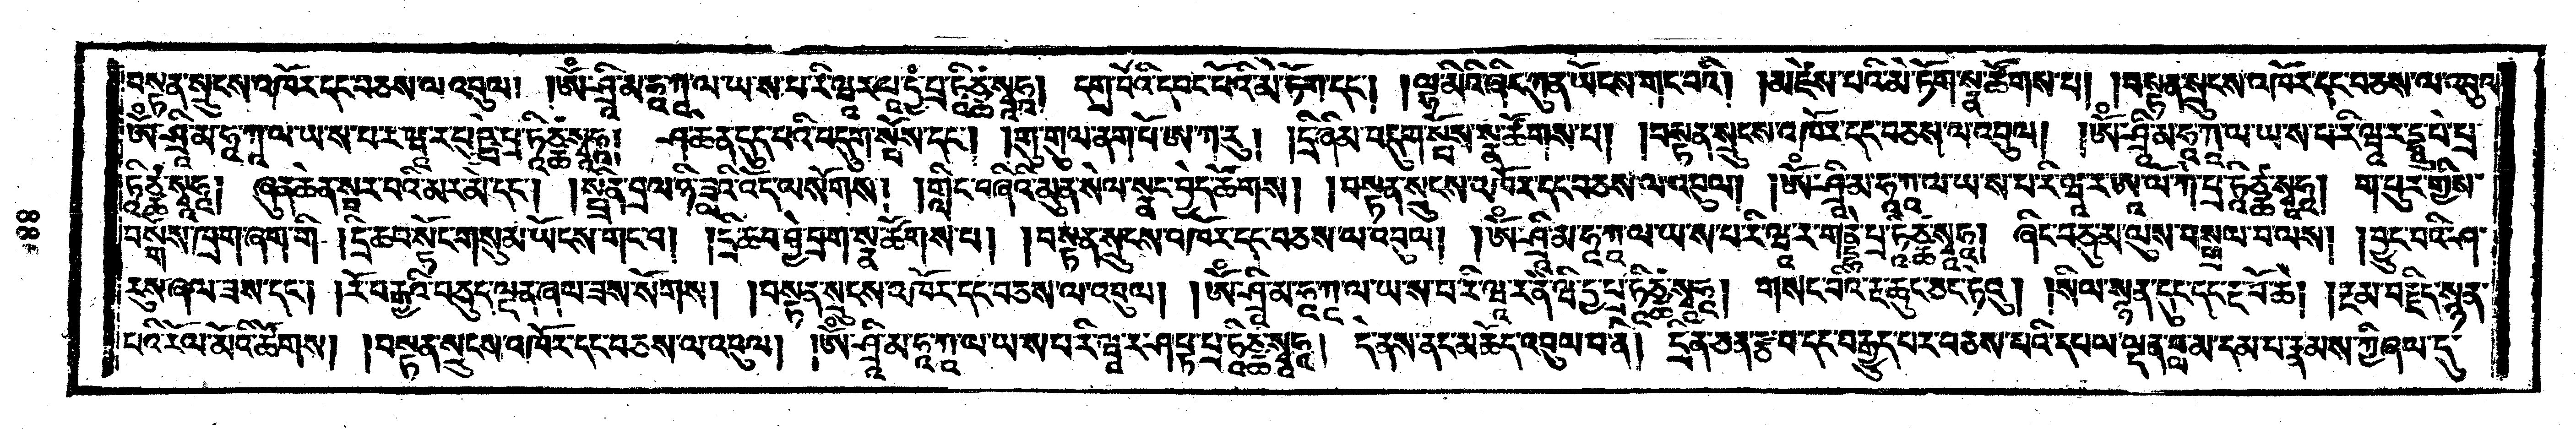བསྟན་སྲུངས་འཁོར་དང་བཅས་ལ་འབུལ། །ཨོཾ་ཤྲཱི་མ་ཧཱ་ཀཱ་ལ་ཡ་ས་པ་རི་ཝཱ་ར་པཱ་དྱཾ་པྲ་ཏཱི་ཙྪ་སྭཱ་ཧཱ། དགྲ་བོའི་དབང་པོའི་མེ་ཏོག་དང་། །ལྷ་མིའི་ཞིང་ཀུན་ཡོངས་གང་བའི། །མཛེས་པའི་མེ་ཏོག་སྣ་ཚོགས་པ། །བསྟན་སྲུངས་འཁོར་དང་བཅས་ལ་འབུལ་
ཨོཾ་ཤྲཱི་མ་ཧཱ་ཀཱ་ལ་ཡ་ས་པ་ར་ཝཱ་ར་པུཥྤེ་པྲ་ཏཱི་ཙྪ་སྭཱ་ཧཱ། ཤ་ཆེན་དུད་པའི་བདུག་སྤོས་དང་། །གུ་གུལ་ནག་པོ་ཨ་ཀ་རུ། །དྲི་ཞིམ་བདུག་སྤོས་སྣ་ཚོགས་པ། །བསྟན་སྲུངས་འཁོར་དང་བཅས་ལ་འབུལ། །ཨོཾ་ཤྲཱི་མ་ཧཱ་ཀཱ་ལ་ཡ་ས་པ་རི་ཝཱ་ར་དྷཱུ་པེ་པྲ་
ཏཱི་ཙྪ་སྭཱ་ཧཱ། ཞུན་ཆེན་སྦར་བའི་མར་མེ་དང་། །སྤྲིན་བྲལ་ཉི་ཟླའི་འོད་ལ་སོགས། །གླིང་བཞིའི་མུན་སེལ་སྣང་བྱེད་ཚོགས། །བསྟན་སྲུངས་འཁོར་དང་བཅས་ལ་འབུལ། །ཨོཾ་ཤྲཱི་མ་ཧཱ་ཀཱ་ལ་ཡ་ས་པ་རི་ཝཱ་ར་ཨཱ་ལོ་ཀེ་པྲ་ཏཱི་ཙྪ་སྭཱ་ཧཱ། ག་པུར་གྱིས་
བསྒོས་ཁྲག་ཞག་གི །དྲི་ཆབ་སྟོང་གསུམ་ཡོངས་གང་བ། །དྲི་ཆབ་བྱེ་བྲག་སྣ་ཚོགས་པ། །བསྟན་སྲུངས་འཁོར་དང་བཅས་ལ་འབུལ། །ཨོཾ་ཤྲཱི་མ་ཧཱ་ཀཱ་ལ་ཡ་ས་པ་རི་ཝཱ་ར་གནྡྷེ་པྲ་ཏཱི་ཙྪ་སྭཱ་ཧཱ། ཞིང་བཅུ་མ་ལུས་བསྒྲལ་བ་ལས། །བྱུང་བའི་ཤ་
རུས་ཞལ་ཟས་དང་། །རོ་བརྒྱའི་བཅུད་ལྡན་ཞལ་ཟས་སོགས། །བསྟན་སྲུངས་འཁོར་དང་བཅས་ལ་འབུལ། །ཨོཾ་ཤྲཱི་མ་ཧཱ་ཀཱ་ལ་ཡ་ས་པ་རི་ཝཱ་ར་ནི་ཝི་དྱ་པྲ་ཏཱི་ཙྪ་སྭཱ་ཧཱ། གསང་བའི་རྔ་ཆུང་ཅད་ཏེའུ། །སིལ་སྙན་དུང་དང་རྔ་བོ་ཆེ། །རྔམ་བརྗིད་སྙན་
པའི་རོལ་མོའི་ཚོགས། །བསྟན་སྲུངས་འཁོར་དང་བཅས་ལ་འབུལ། །ཨོཾ་ཤྲཱི་མ་ཧཱ་ཀཱ་ལ་ཡ་ས་པ་རི་ཝཱ་ར་ཤཔྟ་པྲ་ཏཱི་ཙྪ་སྭཱ་ཧཱ། དེ་ནས་ནང་མཆོད་འབུལ་བ་ནི། དྲིན་ཅན་རྩ་བ་དང་བརྒྱུད་པར་བཅས་པའི་དཔལ་ལྡན་བླ་མ་དམ་པ་རྣམས་ཀྱི་ཞལ་དུ་